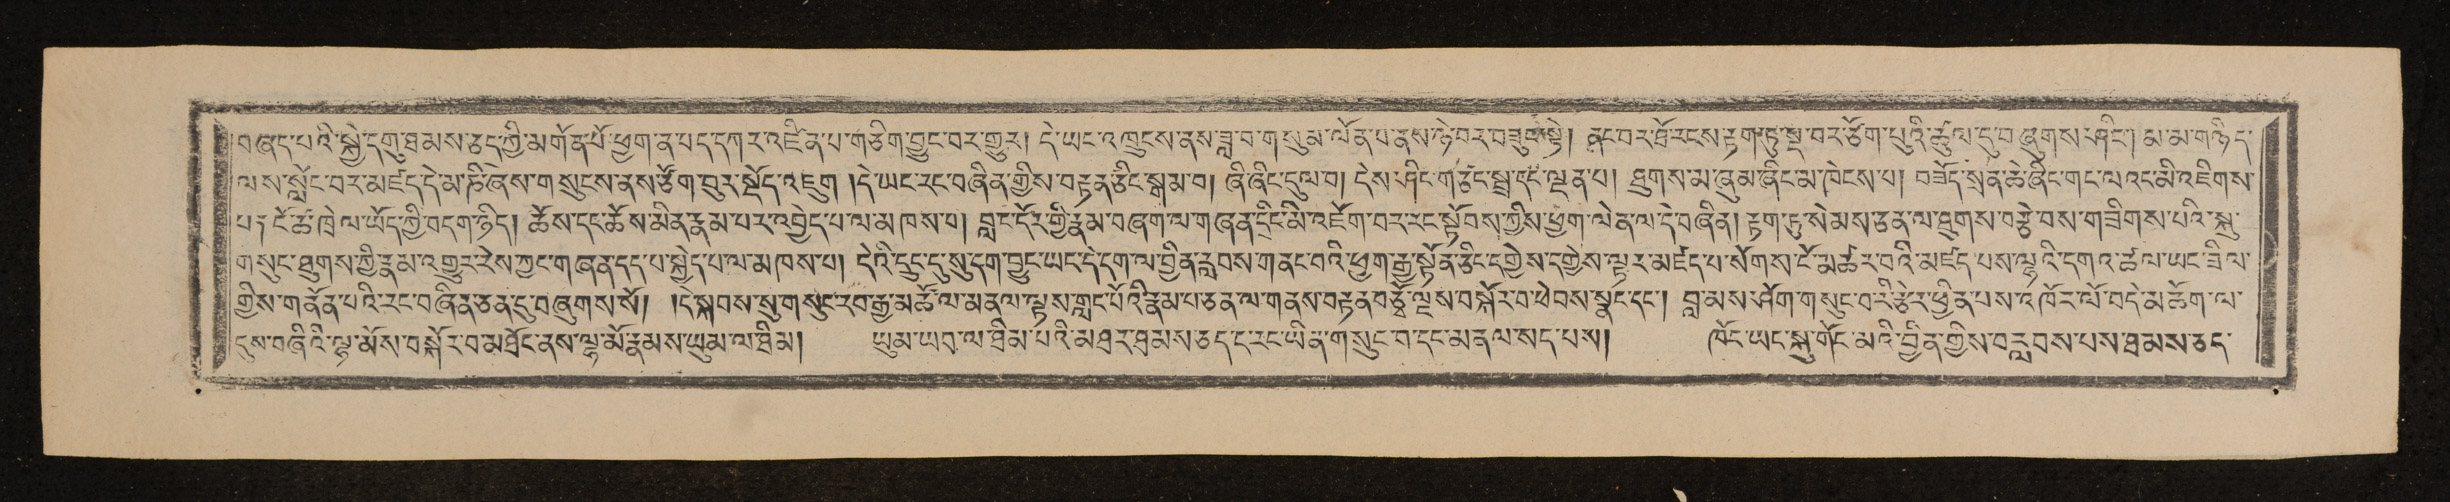བཞད་པའི་སྐྱེ་དགུ་ཐམས་ཅད་ཀྱི་མགོན་པོ་ཕྱག་ན་པད་དཀར་འཛིན་པ་གཅིག་བྱུང་བར་གྱུར། དེ་ཡང་འཁྲུངས་ནས་ཟླ་བ་གསུམ་ལོན་པ་ནས་ཉེ་བར་བཟུང་སྟེ། ནང་བར་ཐོ་རངས་རྟག་ཏུ་སྔ་བར་ཙོག་པུའི་ཚུལ་དུ་བཞུགས་ཤིང་། མ་མ་གཉིད་
ལས་སློང་བར་མཛད་དེ་མ་ཎི་ཞེས་གསུངས་ནས་ཙོག་པུར་སྡོད་འཇུག །དེ་ཡང་རང་བཞིན་གྱིས་བརྟན་ཅིང་སྒམ་པ། ཞི་ཞིང་དུལ་བ། ངེས་ཤིང་གཙང་སྦྲ་དང་ལྡན་པ། ཐུགས་མ་ཞུམ་ཞིང་མ་ཁེངས་པ། བཟོད་སྲན་ཆེ་ཞིང་གང་ལའང་མི་འཇིགས་
པ༑ ངོ་ཚ་ཁྲེལ་ཡོད་ཀྱི་བདག་ཉིད། ཆོས་དང་ཆོས་མིན་རྣམ་པར་འབྱེད་པ་ལ་མཁས་པ། བླང་དོར་གྱི་རྣམ་བཞག་ལ་གཞན་དྲིང་མི་འཇོག་པར་རང་སྟོབས་ཀྱིས་ཕྱག་ལེན་ལ་དེ་བཞིན། རྟག་ཏུ་སེམས་ཅན་ལ་ཐུགས་བརྩེ་བས་གཟིགས་བའི་སྐུ་
གསུང་ཐུགས་ཀྱི་རྣམ་འགྱུར་རེས་ཀྱང་གཞན་དད་པ་སྐྱེད་པ་ལ་མཁས་པ། དེའི་དྲུང་དུ་སུ་དག་བྱུང་ཡང་དེ་དག་ལ་བྱིན་རླབས་གནང་བའི་ཕྱག་རྒྱ་སྟོན་ཅིང་དགྱེས་དགྱེས་ལྟར་མཛད་པ་སོགས་ངོ་མཚར་བའི་མཛད་པས་ལྷའི་དགའ་ཚལ་ཡང་ཟིལ་
གྱིས་གནོན་པའི་རང་བཞིན་ཅན་དུ་བཞུགས་སོ། །དེ་སྐབས་སུ་གསུང་རབ་རྒྱ་མཚོ་ལ་མནལ་ལྟས་གླང་པོའི་རྣམ་པ་ཅན་ལ་གནས་བརྟན་བཅྭོ་ལྔས་བསྐོར་བ་ཕེབས་སྣང་དང་། བླ་མས་ཤོག་གསུང་བ་རི་རྩེར་ཕྱིན་པས་འཁོར་ལོ་བདེ་མཆོག་ལ་
དུས་བཞིའི་ལྷ་མོས་བསྐོར་བ་མཐོང་ནས་ལྷ་མོ་རྣམས་ཡུམ་ལ་ཐིམ། ཡུམ་ཡབ་ལ་ཐིམ་པའི་མཐར་ཐམས་ཅད་ང་རང་ཡིན་གསུང་བ་དང་མན་ལ་སད་པས། ཁོང་ཡང་སྐུ་གོང་མའི་བྱིན་གྱིས་བརླབས་པས་ཐམས་ཅད་